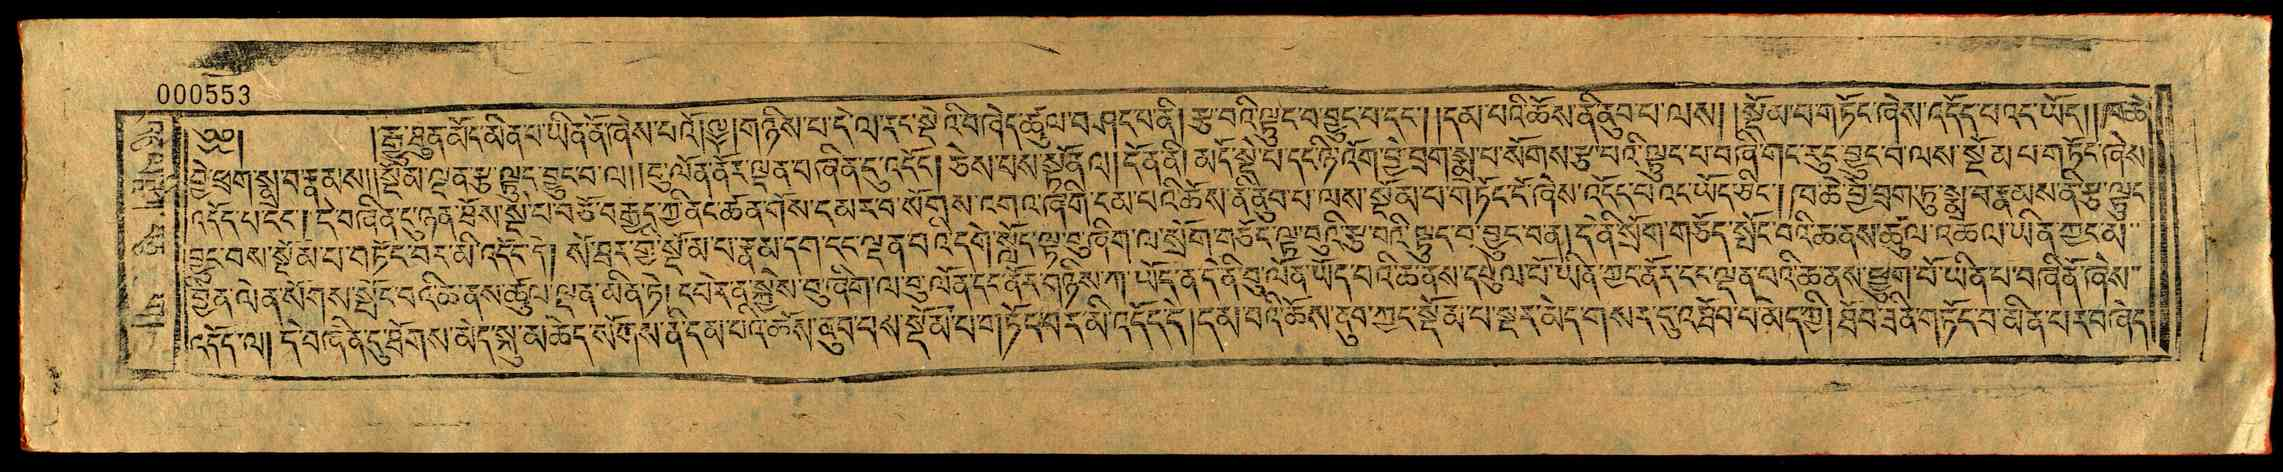༄༅། །རྒྱུ་ཐུན་མོང་མིན་པ་ཡིན་ནོ་ཞེས་པའོ། ༈ །གཉིས་པ་དེ་ལ་རང་སྡེའི་བཞེད་ཚུལ་བཤད་པ་ནི། རྩ་བའི་ལྟུང་བ་བྱུང་བ་དང་། །དམ་པའི་ཆོས་ནི་ནུབ་པ་ལས། །སྡོམ་པ་གཏོང་ཞེས་འདོད་པའང་ཡོད། །ཁ་ཆེ་
བྱེ་བྲག་སྨྲ་བ་རྣམས། །སྡོམ་ལྡན་རྩ་ལྟུང་བྱུང་བ་ལ། །བུ་ལོན་ནོར་ལྡན་བཞིན་དུ་འདོད། ཅེས་པས་སྟོན་ལ། དོན་ནི། མདོ་སྡེ་པ་དང་ཉི་འོག་བྱེ་བྲག་སྨྲ་བ་སོགས་རྩ་བའི་ལྟུང་བ་བཞི་གང་རུང་བྱུང་བ་ལས་སྡོམ་པ་གཏོང་ཞེས་
འདོད་པ་དང་། དེ་བཞིན་དུ་ཉན་ཐོས་སྡེ་པ་བཅོ་བརྒྱད་ཀྱི་ནང་ཚན་གོས་དམར་བ་སོགས་འགའ་ཞིག་དམ་པའི་ཆོས་ནི་ནུབ་པ་ལས་སྡོམ་པ་གཏོང་ངོ་ཞེས་འདོད་པའང་ཡོད་ཅིང་། ཁ་ཆེ་བྱེ་བྲག་ཏུ་སྨྲ་བ་རྣམས་ནི་རྩ་ལྟུང་
བྱུང་བས་སྡོམ་པ་གཏོང་བར་མི་འདོད་དེ། སོ་ཐར་གྱི་སྡོམ་པ་རྣམ་དག་དང་ལྡན་པའི་དགེ་སློང་ལྟ་བུ་ཞིག་ལ་སྲོག་གཅོད་ལྟ་བུའི་རྩ་བའི་ལྟུང་བ་བྱུང་བ་ན། དེ་ནི་སྲོག་གཅོད་སྤོང་བའི་ཆ་ནས་ཚུལ་འཆལ་ཡིན་ཀྱང་མ་
བྱིན་ལེན་སོགས་སྤོང་བའི་ཆ་ནས་ཚུལ་ལྡན་ཡིན་ཏེ། དཔེར་ན་སྐྱེས་བུ་ཞིག་ལ་བུ་ལོན་དང་ནོར་གཉིས་ཀ་ཡོད་ན་དེ་ནི་བུ་ལོན་ཡོད་པའི་ཆ་ནས་དབུལ་པོ་ཡིན་ཀྱང་ནོར་དང་ལྡན་པའི་ཆ་ནས་ཕྱུག་པོ་ཡིན་པ་བཞིན་ནོ་ཞེས་
འདོད་ལ། དེ་བཞིན་དུ་ཐོགས་མེད་སྐུ་མཆེད་སོགས་ནི་དམ་པའི་ཆོས་ནུབ་པས་སྡོམ་པ་གཏོང་བར་མི་འདོད་དེ། དམ་པའི་ཆོས་ནུབ་ཀྱང་སྡོམ་པ་སྔར་མེད་གསར་དུ་འཐོབ་པ་མེད་ཀྱི། ཐོབ་ཟིན་གཏོང་བ་མིན་པར་བཞེད་